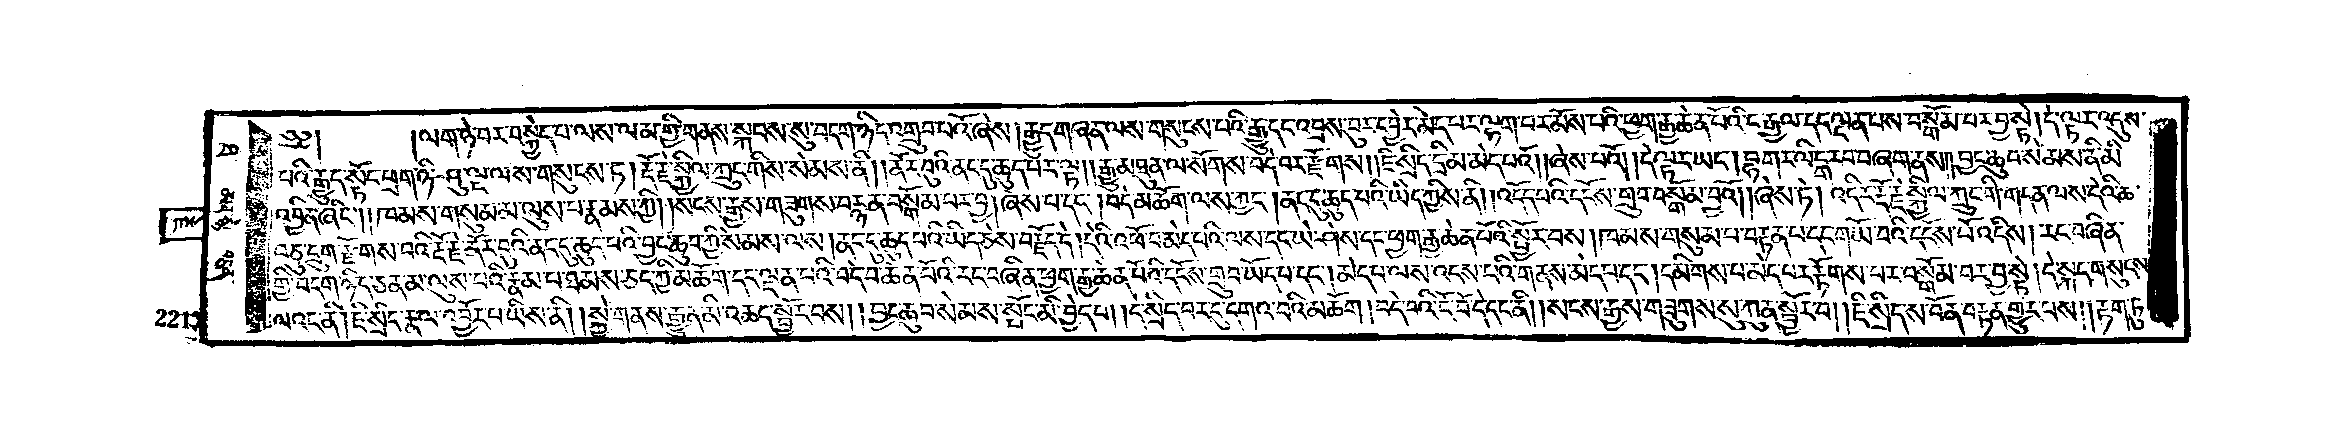༄༅། །ལག་ཉེ་བར་བསྐྱེད་པ་ལས་ལམ་གྱི་གནས་སྐབས་སུ་བདག་ཉིད་འགྲུབ་པའོ་ཞེས། རྒྱུད་གཞན་ལས་གསུངས་པའི་རྒྱུ་དང་འབྲས་བུར་དབྱེར་མེད་པར་ལྷག་པར་མོས་པའི་ཕྱག་རྒྱ་ཆེན་པོའི་ང་རྒྱལ་དང་ལྡན་པས་བསྒོམ་པར་བྱ་སྟེ། དེ་ལྟར་འདུས་
པའི་རྒྱུད་སྟོང་ཕྲག་ཉི་ཤུ་ལྔ་ལས་གསུངས་ཏེ། རྡོ་རྗེ་སྐྱིལ་ཀྲུང་གིས་སེམས་ནི། །ནོར་བུའི་ནང་དུ་ཆུད་པར་ལྟ། །རྒྱུ་མཐུན་ལ་སོགས་བདེ་བར་རྫོགས། །ཇི་སྲིད་དྲི་མ་མེད་པའོ། །ཞེས་པའོ། །དེ་ལྟར་ཡང་། བྷ་གར་ལིངྒ་རབ་བཞག་ནས། །བྱང་ཆུབ་སེམས་ནི་མི་
འབྱིན་ཞིང་། །ཁམས་གསུམ་མ་ལུས་པ་རྣམས་ཀྱི། །སངས་རྒྱས་གཟུགས་བརྙན་བསྒོམ་པར་བྱ། ཞེས་པ་དང་། བདེ་མཆོག་ལས་ཀྱང་། ནང་དུ་ཆུད་པའི་ཡིད་ཀྱིས་ནི། །འདོད་པའི་དངོས་གྲུབ་བསྒོམ་བྱའོ། །ཞེས་ཏེ། འདིར་རྡོ་རྗེ་སྐྱིལ་ཀྲུང་གི་གདན་ལས་དེའི་ཆ་
བཅུ་དྲུག་རྫོགས་པའི་རྡོ་རྗེ་ནོར་བུའི་ནང་དུ་ཆུད་པའི་བྱང་ཆུབ་ཀྱི་སེམས་ལས། ནང་དུ་ཆུད་པའི་ཡིད་ཅེས་བརྗོད་དེ། དེའི་འཕོ་བ་མེད་པའི་ལས་དང་ཡེ་ཤེས་དང་ཕྱག་རྒྱ་ཆེན་པོའི་སྦྱོར་བས། ཁམས་གསུམ་པ་བརྟན་པ་དང་གཡོ་བའི་དངོས་པོ་འདིས། རང་བཞིན་
གྱི་བདག་ཉིད་ཅན་མ་ལུས་པའི་རྣམ་པ་ཐམས་ཅད་ཀྱི་མཆོག་དང་ལྡན་པའི་བདེ་བ་ཆེན་པོའི་རང་བཞིན་ཕྱག་རྒྱ་ཆེན་པོའི་དངོས་གྲུབ་ཡོད་པ་དང་། མེད་པ་ལས་འདས་པའི་གནས་མེད་པ་དང་། དམིགས་པ་མེད་པར་རྟོགས་པར་བསྒོམ་པར་བྱ་སྟེ། དེ་སྐད་གསུངས་
པའང་ནི། ཇི་སྲིད་རྣལ་འབྱོར་པ་ཡིས་ནི། །སྐྱེ་གནས་རྒྱུན་མི་འཆད་སྦྱོར་བས། །བྱང་ཆུབ་སེམས་སྤོང་མི་བྱེད་པ། །དེ་སྲིད་བར་དུ་དགའ་བའི་མཆོག །བདེ་བའི་ངོ་བོ་དེ་དང་ནི། །སངས་རྒྱས་གཟུགས་སུ་ཀུན་སྦྱོར་བ། །ཇི་སྲིད་ས་བོན་བརྟན་གྱུར་པས། །རྟག་ཏུ་